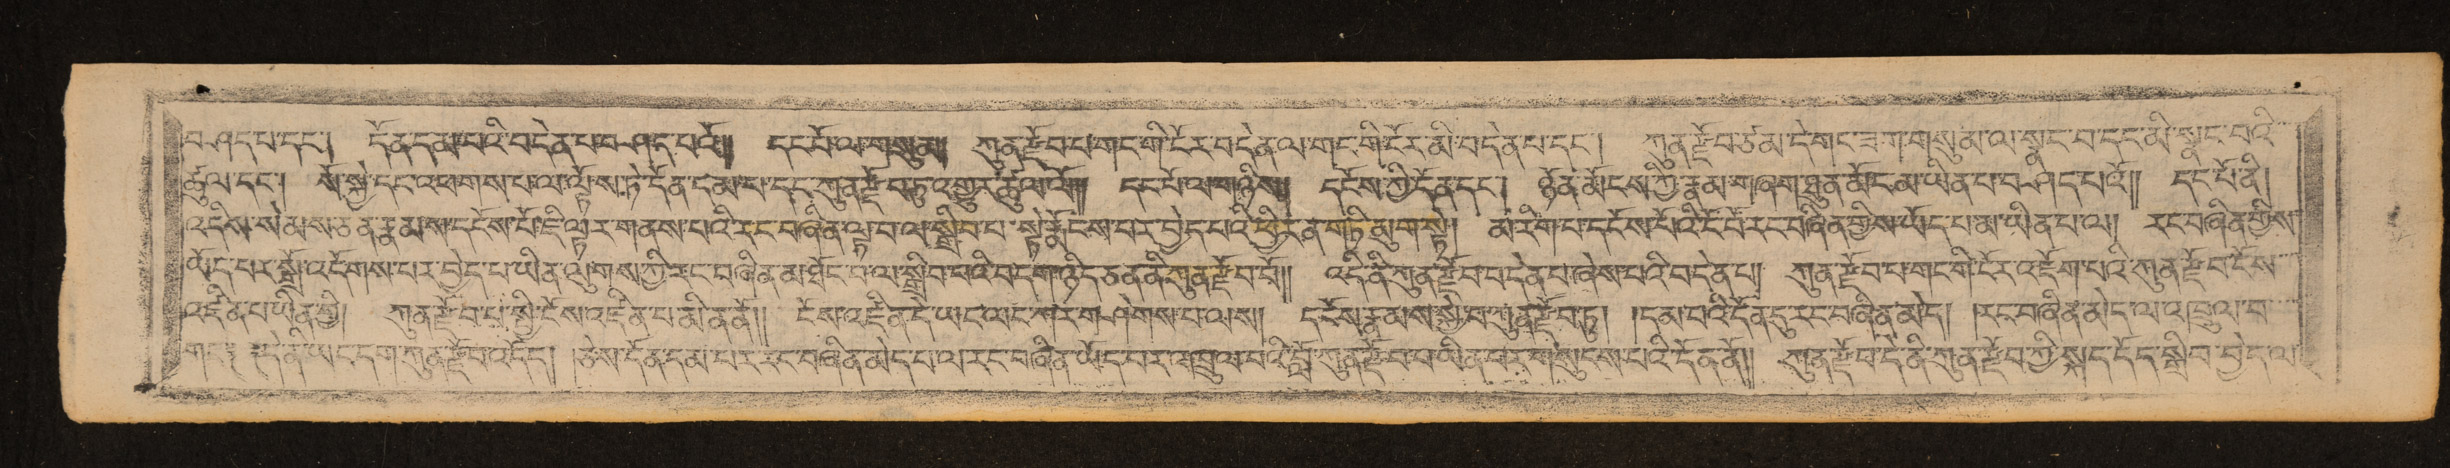བཤད་པ་དང་། དོན་དམ་པའི་བདེན་པ་བཤད་པའོ།། དང་པོ་ལ་གསུམ། ཀུན་རྫོབ་པ་གང་གི་ངོར་བདེན་ལ་གང་གི་ངོར་མི་བདེན་པ་དང་། ཀུན་རྫོབ་ཙམ་དེ་གང་ཟག་གསུམ་ལ་སྣང་བ་དང་མི་སྣང་བའི་
ཚུལ་དང་། སོ་སྐྱེ་དང་འཕགས་པ་ལ་ལྟོས་ཏེ་དོན་དམ་པ་དང་ཀུན་རྫོབ་ཏུ་འགྱུར་ཚུལ་ལོ།། དང་པོ་ལ་གཉིས། དངོས་ཀྱི་དོན་དང་། ཉོན་མོངས་ཀྱི་རྣམ་གཞག་ཐུན་མོང་མ་ཡིན་པ་བཤད་པའོ།། དང་པོ་ནི།
འདིས་སེམས་ཅན་རྣམས་དངོས་པོ་ཇི་ལྟར་གནས་པའི་རང་བཞིན་ལྟ་བ་ལ་སྒྲིབ་པ་སྟེ་རྨོངས་པར་བྱེད་པའི་ཕྱིར་ན་གཏི་མུག་སྟེ། མ་རིག་པ་དངོས་པོའི་ངོ་བོ་རང་བཞིན་གྱིས་ཡོད་པ་མ་ཡིན་པ་ལ། རང་བཞིན་གྱིས་
ཡོད་པར་སྒྲོ་འདོགས་པར་བྱེད་པ་ཡིན་ལུགས་ཀྱི་རང་བཞིན་མཐོང་བ་ལ་སྒྲིབ་པའི་བདག་ཉིད་ཅན་ནི་ཀུན་རྫོབ་བོ།། འདི་ནི་ཀུན་རྫོབ་བདེན་པ་ཞེས་པའི་བདེན་པ། ཀུན་རྫོབ་པ་གང་གི་ངོར་འཇོག་པའི་ཀུན་རྫོབ་ངོས་
འཛིན་པ་ཡིན་གྱི། ཀུན་རྫོབ་པ་སྤྱི་ངོས་འཛིན་པ་མིན་ནོ།། ངོས་འཛིན་དེ་ཡང་ལང་ཀར་གཤེགས་པ་ལས། དངོས་རྣམས་སྐྱེ་བ་ཀུན་རྫོབ་ཏུ། །དམ་པའི་དོན་དུ་རང་བཞིན་མེད། །རང་བཞིན་མེད་ལ་འཁྲུལ་བ་
གང༑ ༑དེ་ནི་ཡང་དག་ཀུན་རྫོབ་འདོད། །ཅེས་དོན་དམ་པར་རང་བཞིན་མེད་པ་ལ་རང་བཞིན་ཡོད་པར་འཁྲུལ་བའི་བློ་ཀུན་རྫོབ་པ་ཡིན་པར་གསུངས་པའི་དོན་ནོ།། ཀུན་རྫོབ་དེ་ནི་ཀུན་རྫོབ་ཀྱི་སྐད་འདོད་སྒྲིབ་བྱེད་ལ་